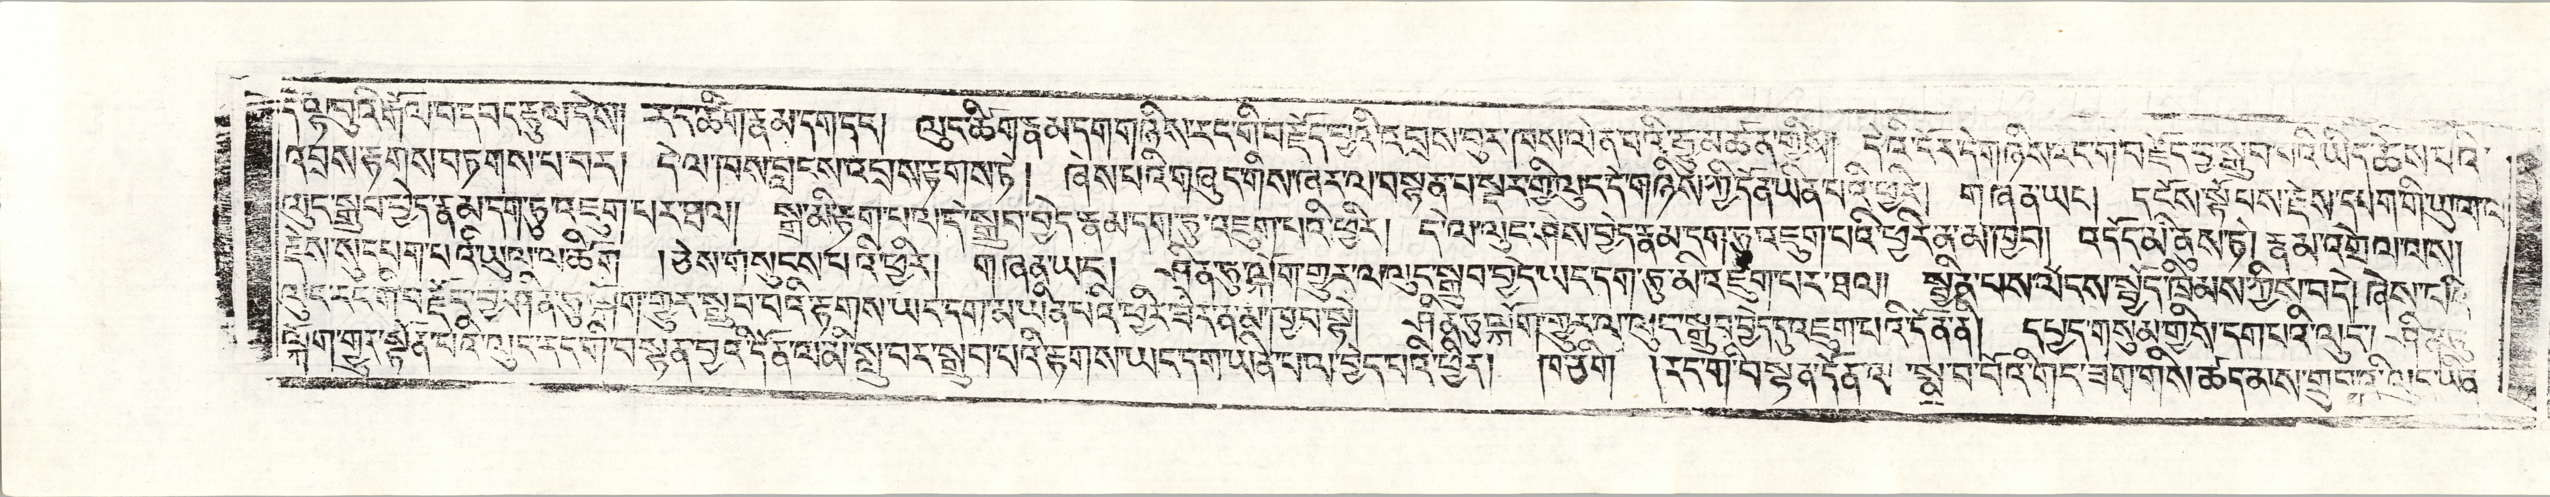དེ་ལྟ་བུའི་རྒོལ་བ་དབང་རྟུལ་དེས། རང་ཚིག་རྣམ་དག་དང་། ལུང་ཚིག་རྣམ་དག་གཉིས་རང་གི་བརྗོད་བྱའི་འབྲས་བུར་ཁས་ལེན་པའི་རྒྱུ་མཚན་གྱིས། དེའི་ངོར་དེ་གཉིས་རང་གི་བརྗོད་བྱ་སྒྲུབ་པའི་ཡིད་ཆེས་པའི་
འབྲས་རྟགས་བཏགས་པ་བར། དེ་ལ་ཁས་བླངས་འབྲས་རྟགས་ཏེ། ཞེས་པའི་གཞུང་གིས་ཞར་ལ་བསྟན་པ་སྔར་གྱི་ལུང་དེ་གཉིས་ཀྱི་དོན་ཡིན་པའི་ཕྱིར། གཞན་ཡང་། དངོས་སྟོབས་རྗེས་དཔག་གི་ཡུལ་ལ་
ལུང་སྒྲུབ་བྱེད་རྣམ་དག་ཏུ་འཇུག་པར་ཐལ། སྒྲ་མི་རྟག་པ་ལ་དེ་སྒྲུབ་བྱེད་རྣམ་དག་ཏུ་འཇུག་པའི་ཕྱིར། དེ་ལ་ལུང་ཤེས་བྱེད་རྣམ་དག་ཏུ་འཇུག་པའི་ཕྱིར་ན་མ་ཁྱབ། འདོད་མི་ནུས་ཏེ། རྣམ་འགྲེལ་ལས།
རྗེས་སུ་དཔག་པའི་ཡུལ་ལ་ཚིག །ཅེས་གསུངས་པའི་ཕྱིར། གཞན་ཡང་། ཤིན་ཏུ་ལྐོག་གྱུར་ལ་ལུང་སྒྲུབ་བྱེད་ཡང་དག་ཏུ་མི་འཇུག་པར་ཐལ། སྦྱིན་པས་ལོངས་སྤྱོད་ཁྲིམས་ཀྱིས་བདེ། ཞེས་པའི་
ལུང་རང་གི་བརྗོད་བྱ་ཤིན་ཏུ་ལྐོག་གྱུར་སྒྲུབ་པའི་རྟགས་ཡང་དག་མ་ཡིན་པའི་ཕྱིར་ཟེར་ན་མ་ཁྱབ་སྟེ། ཤིན་ཏུ་ལྐོག་གྱུར་ལ་ལུང་སྒྲུབ་བྱེད་དུ་འཇུག་པའི་དོན་ནི། དཔྱད་གསུམ་གྱིས་དག་པའི་ལུང་། ཤིན་ཏུ་
ལྐོག་གྱུར་སྟོན་པའི་ལུང་རང་གི་བསྟན་བྱའི་དོན་ལ་མི་སླུ་བར་སྒྲུབ་པའི་རྟགས་ཡང་དག་ཡིན་པ་ལ་བྱེད་པའི་ཕྱིར། ཁ་ཅིག། རང་གི་བསྟན་དོན་ལ་སྨྲ་བ་བོའི་གང་ཟག་གིས་ཚད་མས་གྲུབ་པའི་ལུང་ཡིན་